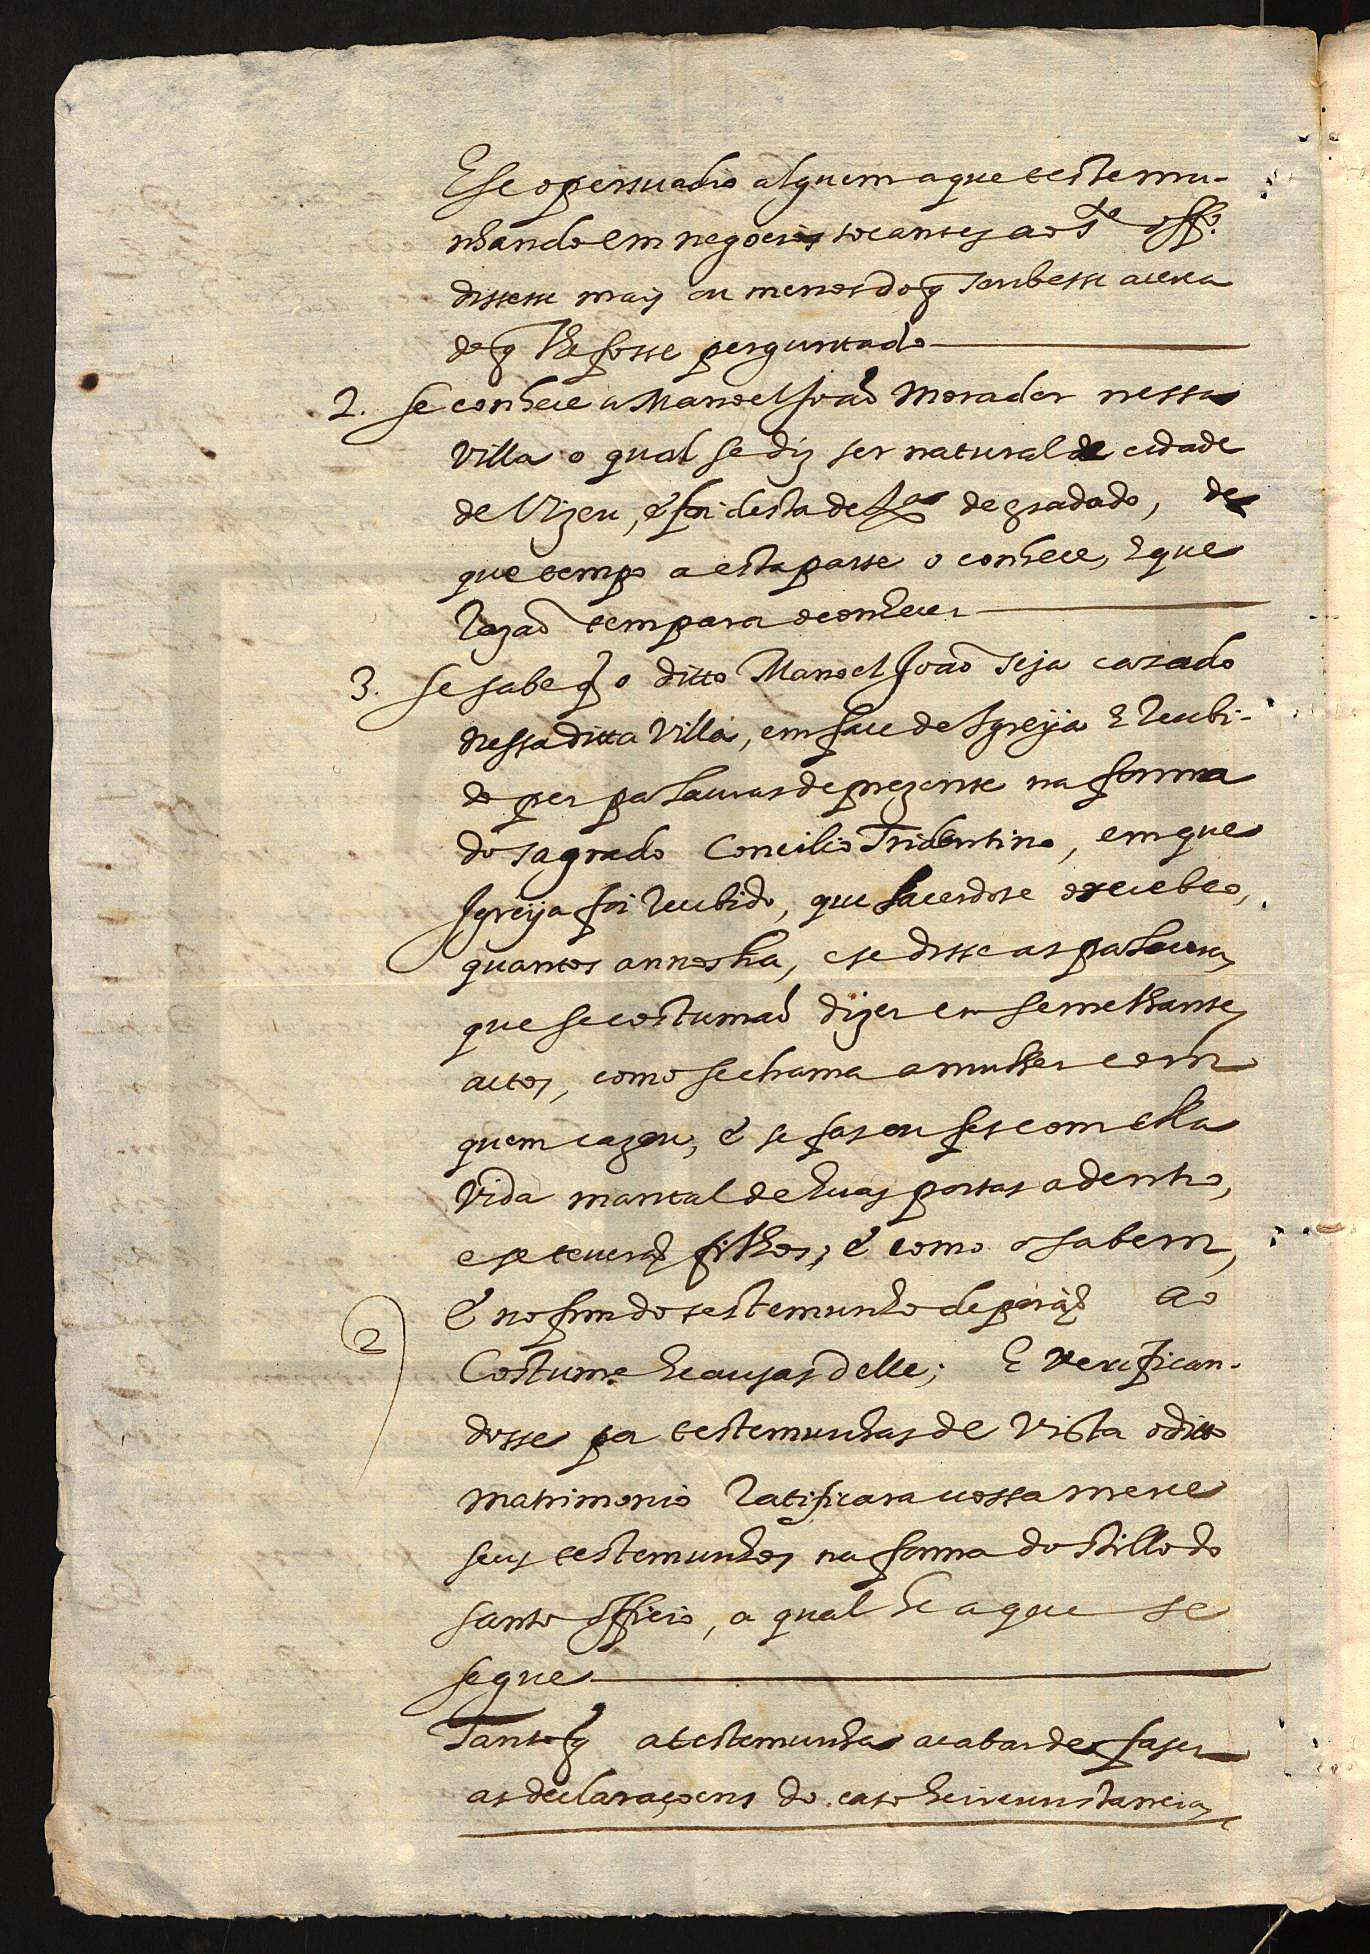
E se o persuadio alguem a que testemu
nhando em negocio tocantes ao Sto off.o
dissesse mais ou menos do q̄ soubesse acerca
do q̄ lhe fosse perguntado
se conhece a Manoel Joaõ morador nessa
Villa o qual se diz ser natural da cidade
de Uizeu, e foi desta de Lxa degradado, de
que tempo a esta parte o conhece, E que
rezaõ tem para o conhecer
Se sabe q̄ o ditto Manoel Joaõ seja cazado
nessa ditta villa, em face de Jgreija E recebi
do per palavras de prezente na forma
do sagrado concilio Tridentino, em que
Jgreija foi recebido, que Sacerdote o recebeo,
quanto annos ha, e se disse as palauras
que se costumaõ dizer em semelhantes
actos, como se chama a mulher com
quem cazou, e se faz ou fes com ella
Vida marital de huas portas adentro
e se teuerão filhos; e como o sabem
e no fim do testemunho deporaõ ao
Costume E causas delle; E verifican
dosse por testemunhas de vista o ditto
matrimonio ratificara uossa merce
seus testemunhos na forma do stillo do
santo officio, a qual he a que se
segue
Tanto q̄ a testemunha acabar de faser
as declaraçoens do caso E circunstancias
